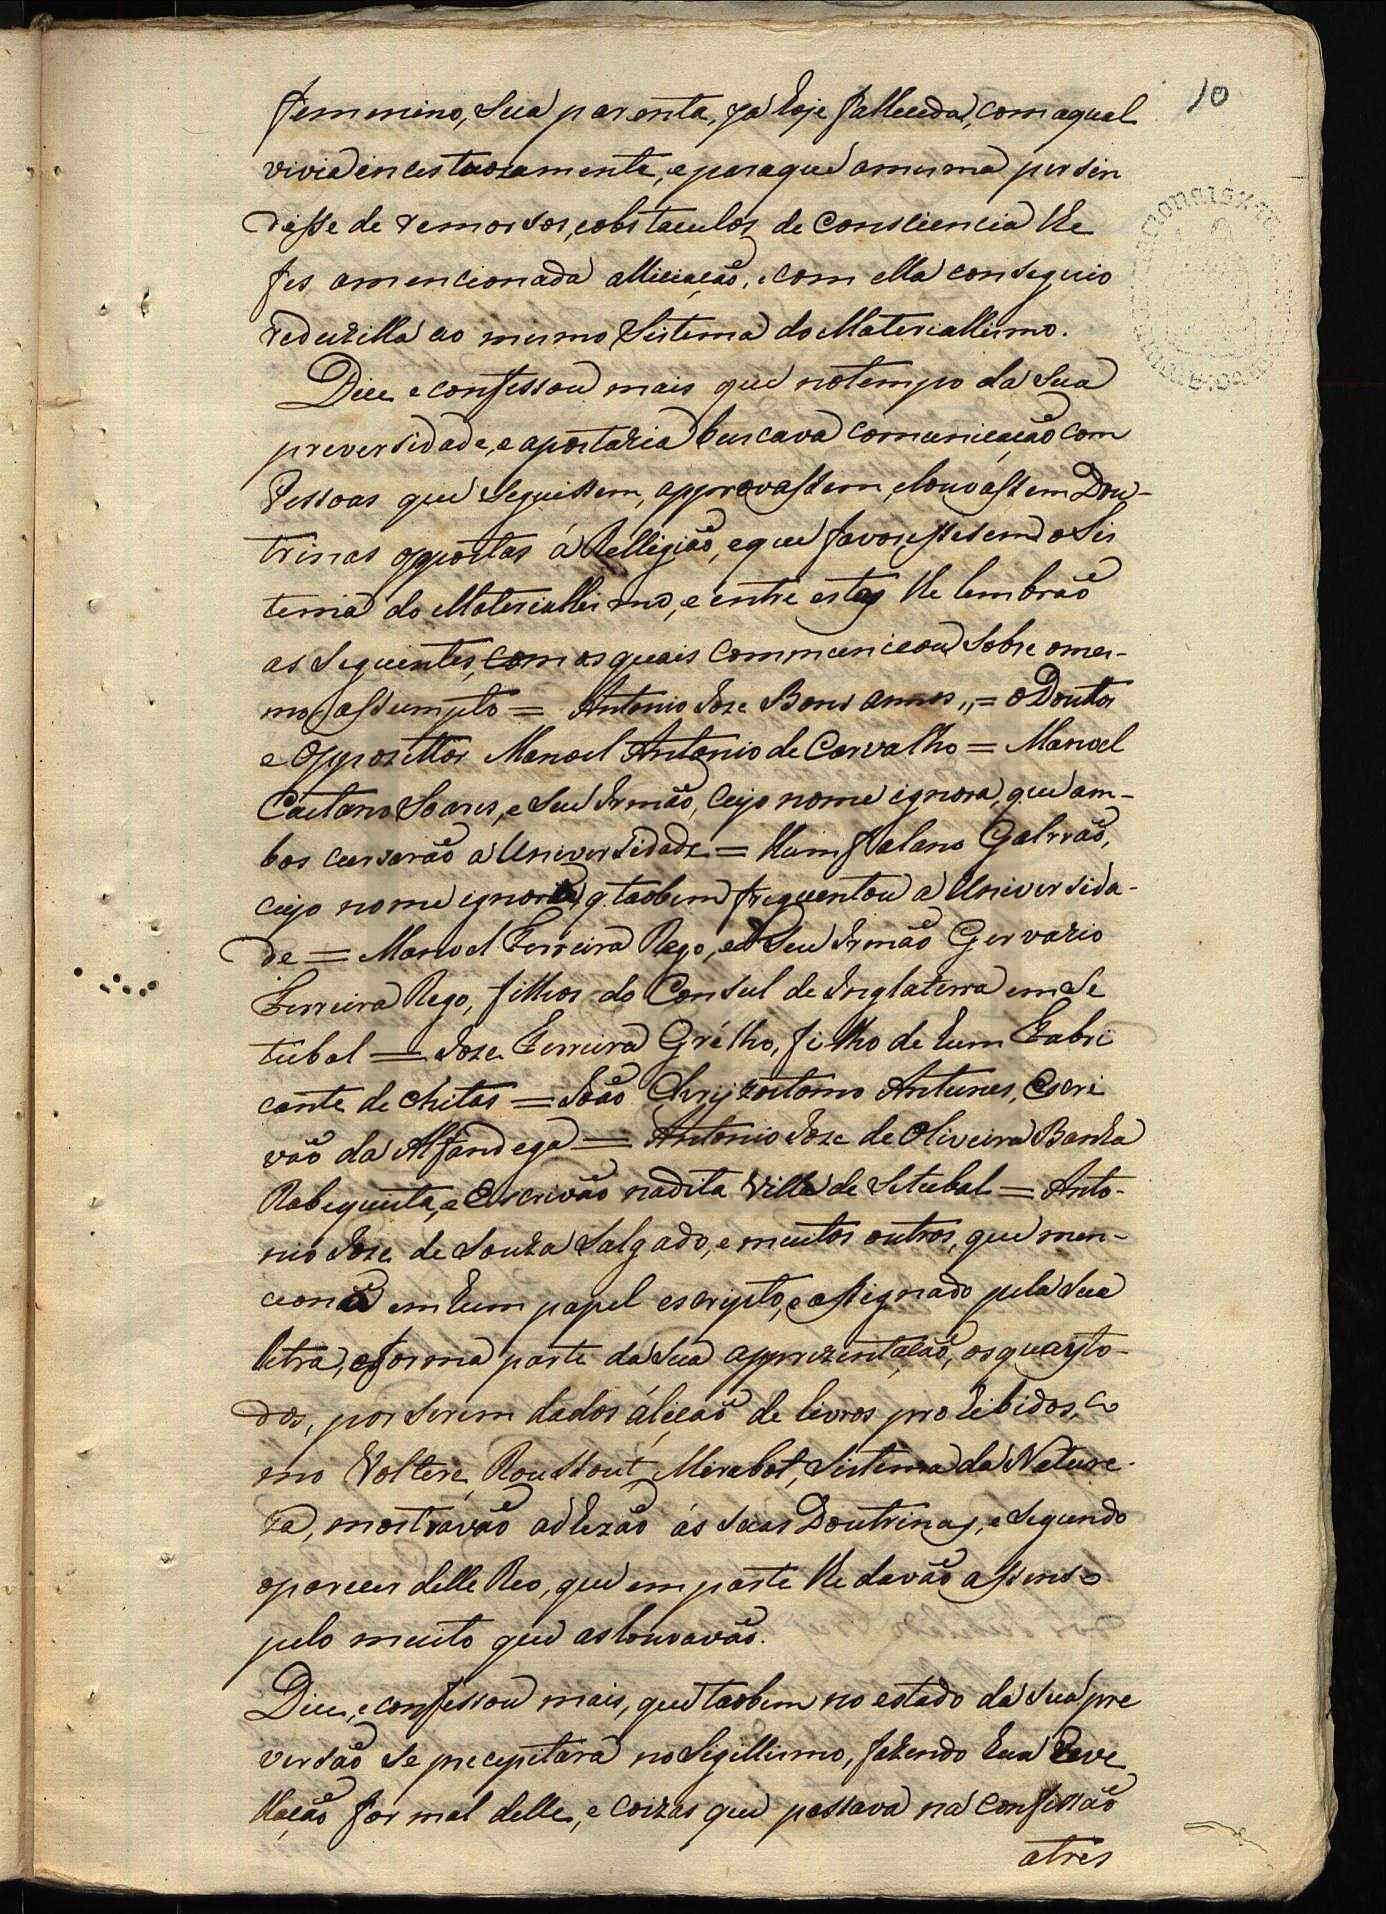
femenino, sua parenta, ja hoje falleceda,com a qual
vivia incestuozamente, e para que a mesma persin
disse de remorsos, e obstaculos de consciencia lhe
fes a mencionada alliciaçaõ, e com ella conseguio
reduzi lla ao mesmo Sistema do Materiallismo.
Dice e confessou mais que no tempo da sua
preversidade, e apostazia buscava comunicaçaõ com
Pessoas que seguissem, approvassem, e louvassem Dou
trinas oppostas à Relligiaõ, e que favoressesem o Sis
tema do Materiallismo, e entre estas lhe lembraõ
as seguintes, com as quais communicou sobre o mes
mo assumpto = Antonio Joze Bons Annos,, = o Doutor
e Oppozettor Manoel Antonio de Carvalho = Manoel
Caetano Soares, e seu Irmaõ, cujo nome ignora, que am
bos cursaraõ a Universidade = Hum folano Galrraõ,
cujo nome ignora q. taobem frequentou a Universida
de = Manoel Ferreira Rego, e seu Irmaõ Gervazio
Ferreira Rego, filhos do Consul de Inglaterra em Se
tubal = Joze Ferreira Grélho, filho de hum Fabri
cante de chitas = João Chrisostomo Antunes, Escri
vaõ da Alfandega = Antonio Joze de Oliveira Banha
Rabequista, e Escrivão na dita Villa de Setubal = Anto
nio Joze de Souza Salgado, e muitos outros, que men
ciona em hum papel escripto, e assignado pela sua
letra, e forma parte da sua apprezentaçaõ, os quais to
dos, por serem dados á liçaõ de livros prohibidos, co
mo Voltere, Roussout, Mirabot, Sistema da Nature
za, mostravaõ adhezaõ ás secas Doutrinas, e segundo
o parecer delle Reo, que em parte lhe davaõ assenso
pelo muito que as louvavaõ.
Dice, e confessou mais, que taobem no estado da sua pre
versaõ se precepitara no Sigillismo, fazendo hua Reve
llaçaõ por mal delle, e coizas que passava na confissaõ
a tres
